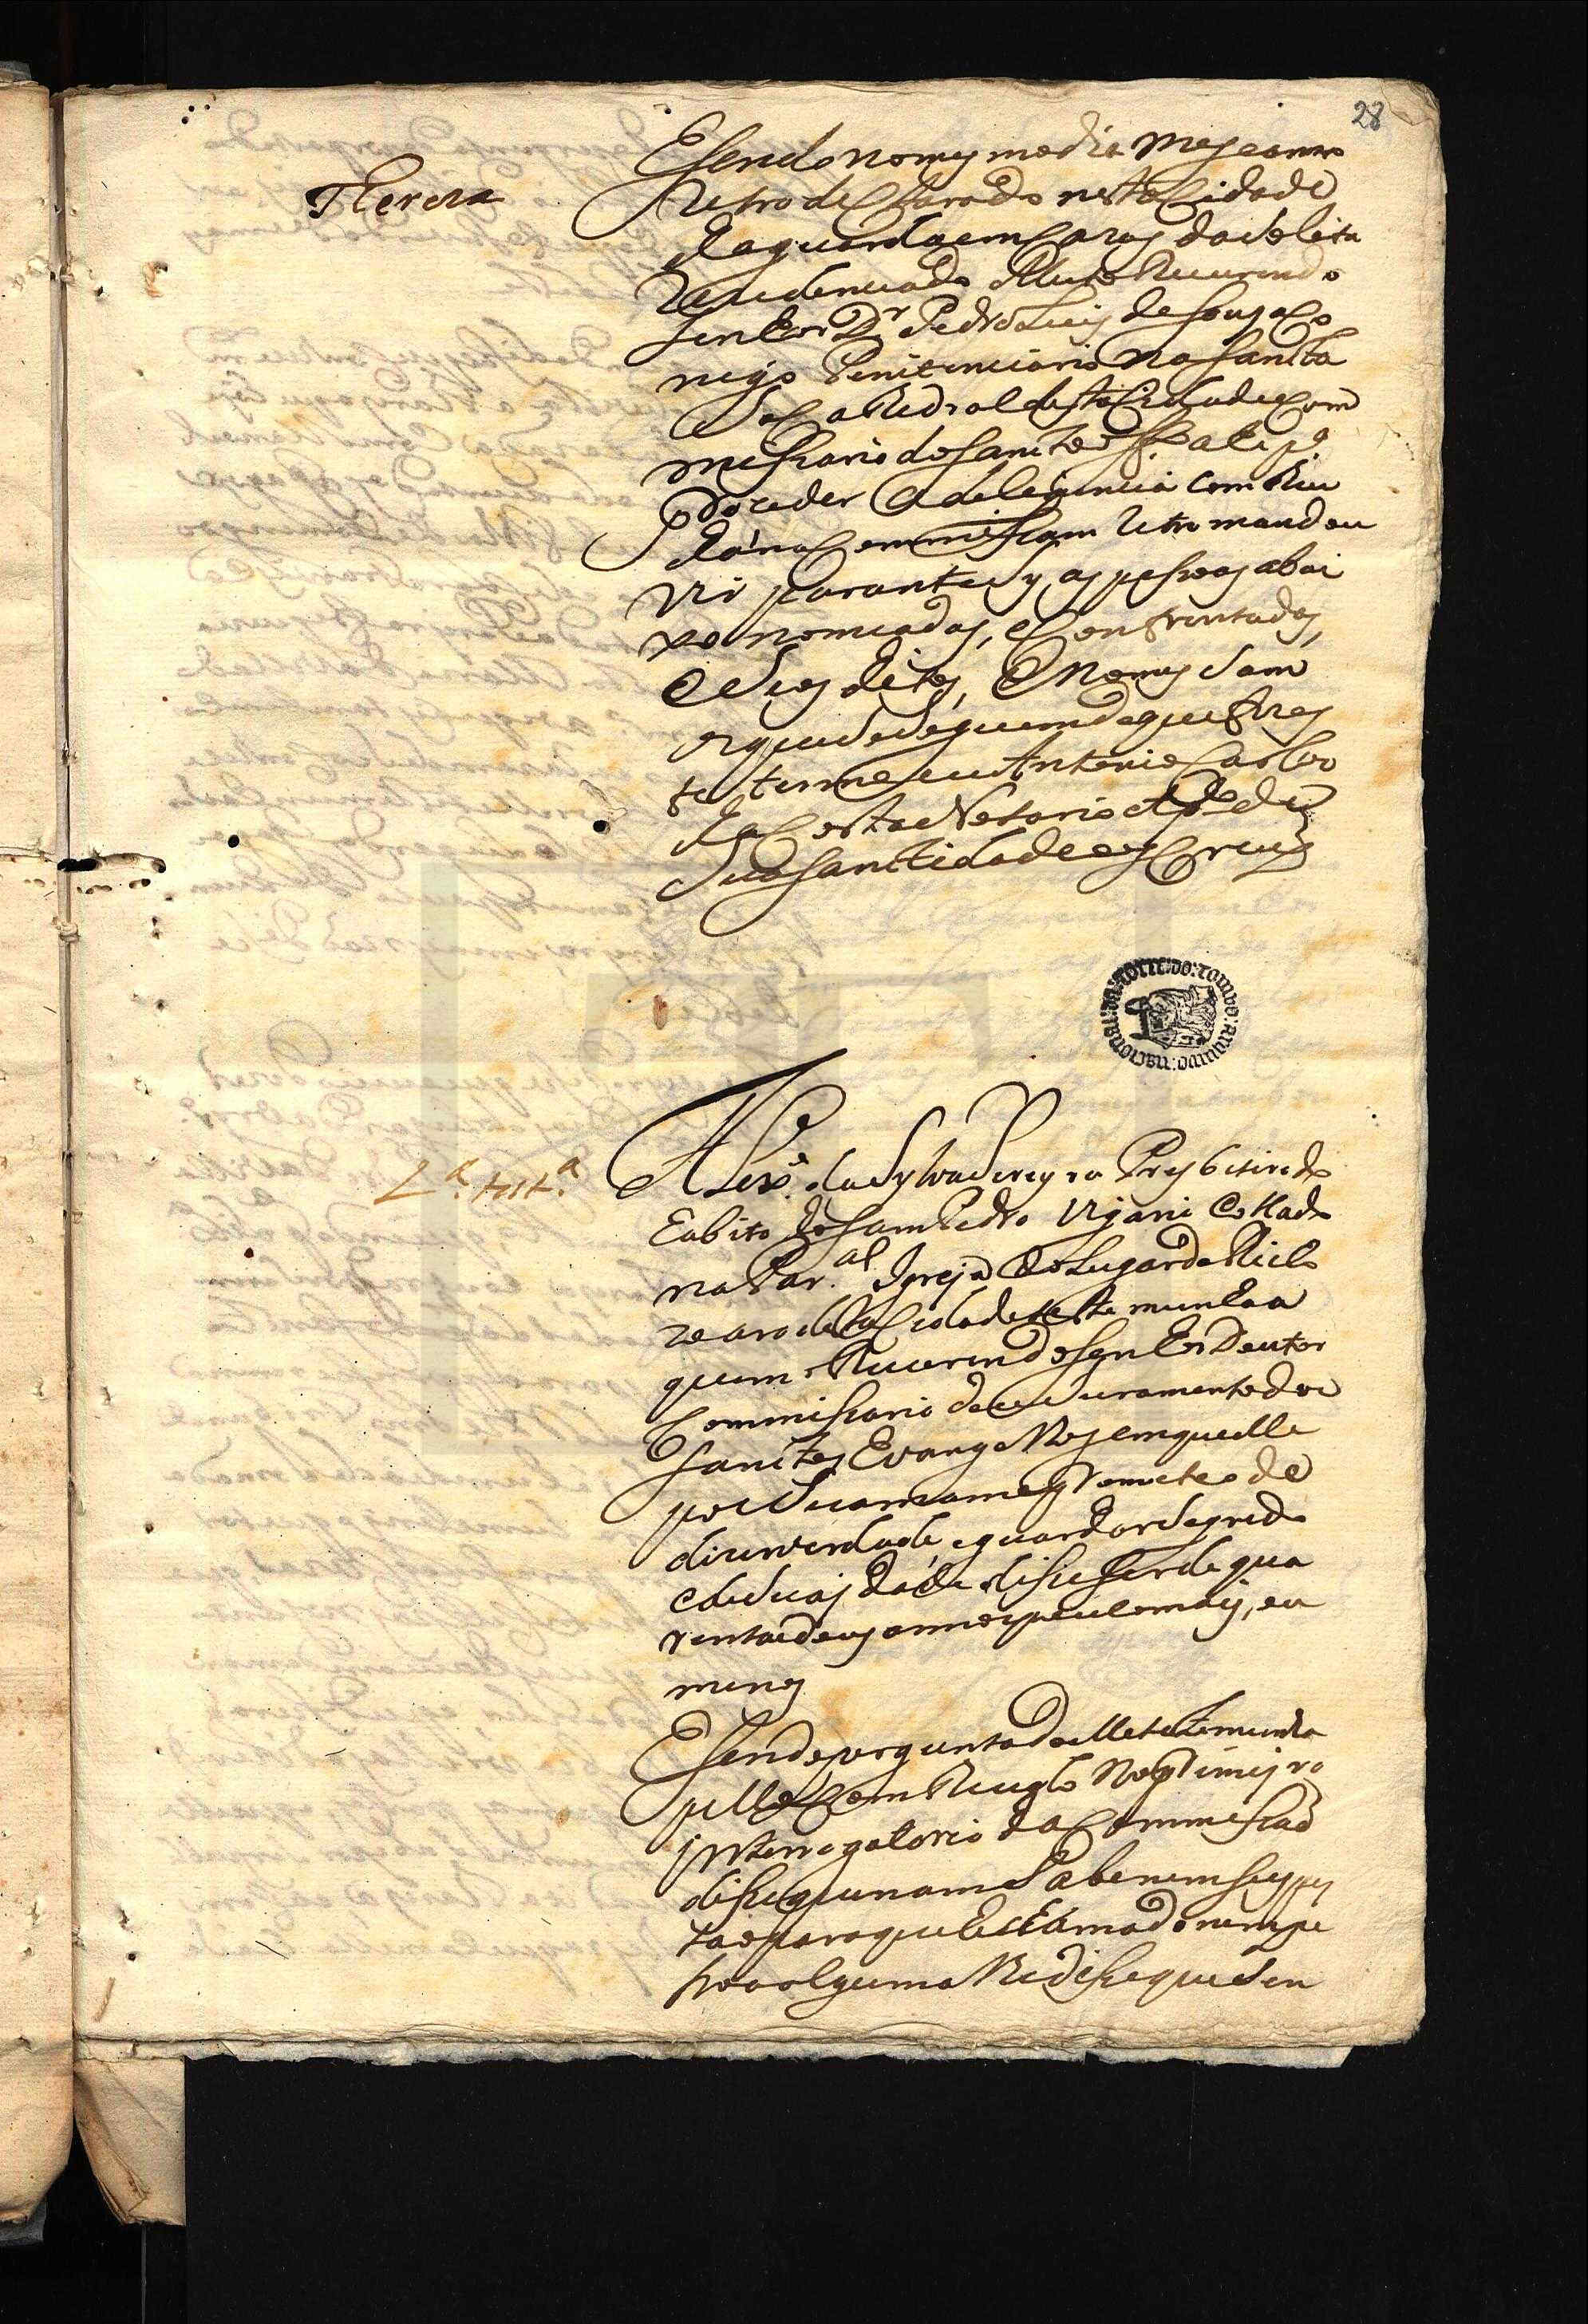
Thereza
1.a test.a
E sendo no mesmo dia mes e anno
Retro deClarado nesta Cidade
da guarda em Cazas da Solita
Rezedencia do Muto Reuerendo
senhor D.r Pedro Luis de souza Co
nigo Penitenciario na sancta
Se Cathedral desta Cidade Com
missario do sancto off.o ahi p.a
proçeder a deligencia comtheu
da na Commissam Retro mandou
vir parante sy as pessoas abai
xo nomeadas, e Confrontadas,
e Seos ditos, e nomes sam
os que se seguem de que fiz es
te termo eu Antonio Carlos
da Costa Notario Apco de
Sua sanctidade o esCreuj
Alex.e da Sylva Pereyra Presbitero do
habito do sam Pedro Vigario Collado
na Par.al Igreja do Lugar do Richo
zo arc desta Cidade testemunha a
quem o Reuerendo o senhor Doutor
Commissario deu o Iuramento dos
sanctos Evangelhos em que elle
pos Sua mam e prometeo de
dizer verdade, e guardar segredo
e de sua jdade disse ser de qua
renta e dous annos pouco mais, ou
menos
E sendo perguntado elle testemunha
pello Comtheudo No primejro
jnterrogatorio da Commissaõ
disse que nam Sabe nem suspej
ta o para que he chamado nem pe
ssoa alguma lhe disse que sen
